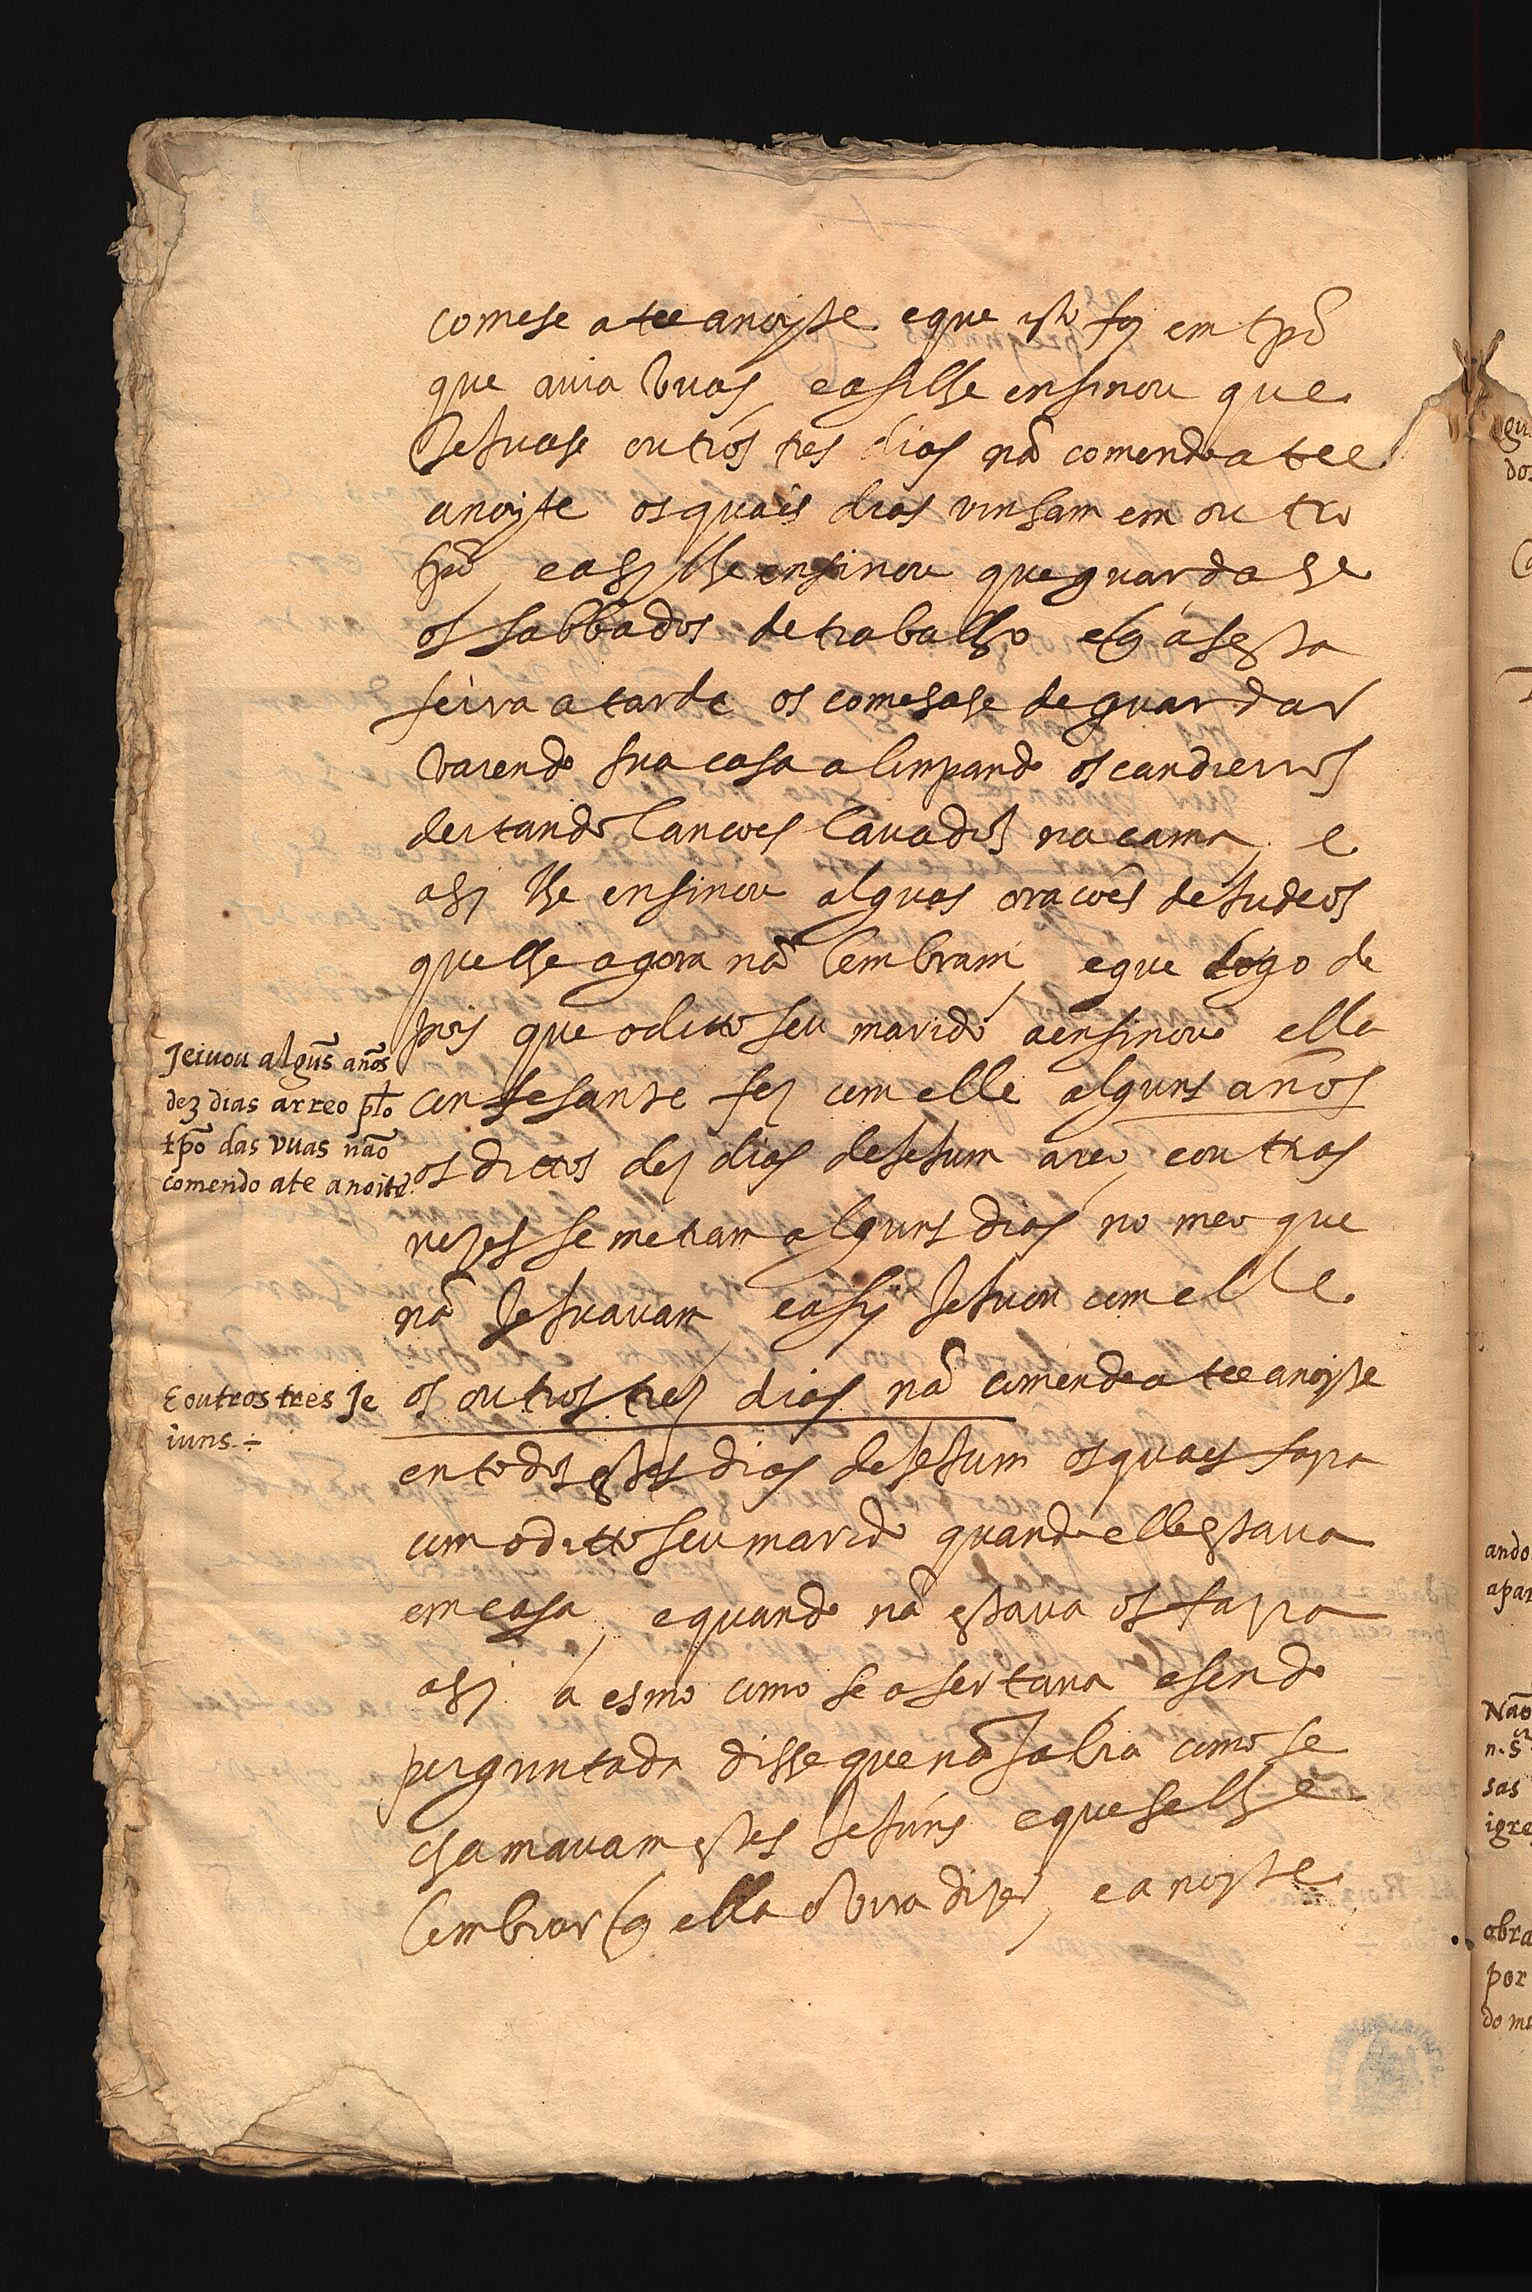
comese atee a noyte e que isto foj em tpō
que avia uvas, e asi lhe ensinou que
Jejuase outros tres dias nā comendo atee
a noyte os quais dias vinham em outro
tpō, e asj lhe ensinou que guardase
os sabbados de trabalho e q̄ a sesta
feira a tarde os comesase de guardar
varendo sua casa alimpando os candieiros
deitando lancoes lavados na cama, e
asj lhe ensinou alguas oracões de Judeos
que lhe agora não lembram, e que logo de
pois que o ditto seu marido a ensinou ella
confesante fez com elle alguns an̄os
os dittos des dias de jejum areo, e outras
vezes se metiam alguns dias no meo que
nā jejuavam, e asy jejuou com elle
os outros trez dias nā comendo atee a noyte
em todos estes dias de Jejum os quaes fazia
com o ditto seu marido quando ellestava
em casa, e quando nā estava os fazia
asj a esmo como se asertava e sendo
perguntada disse que nā sabia como se
chamavamstes jejuns e que se lhe
lembrar q̄ ella o vira dizer, e a nojte
